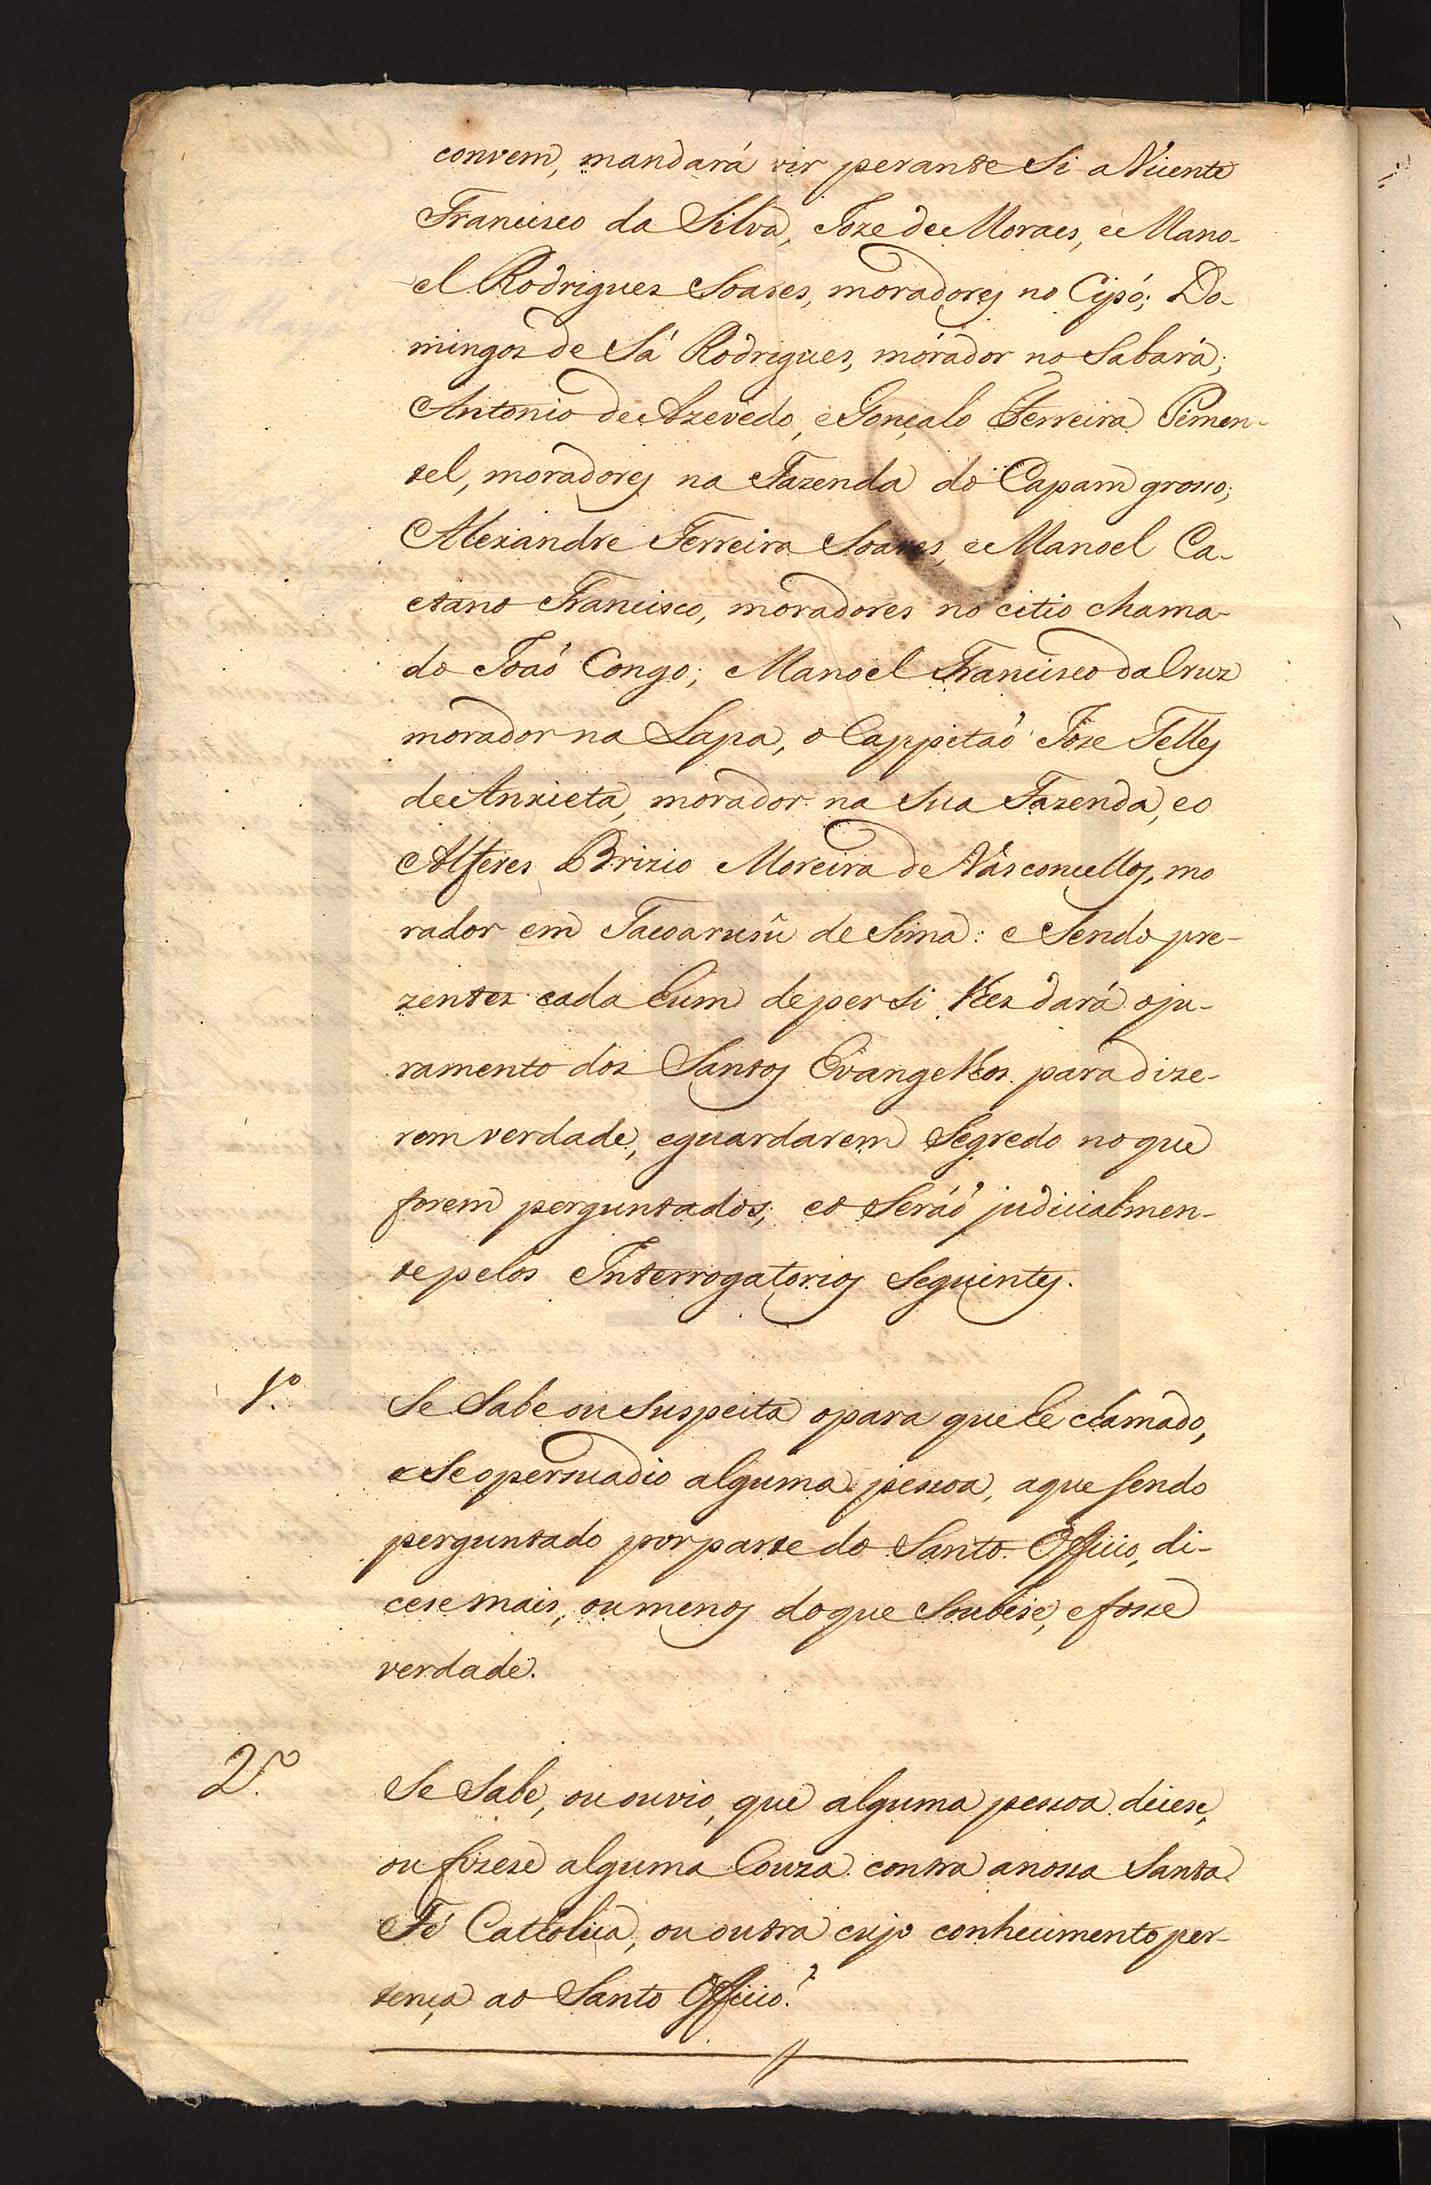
convem, mandará vir perante Si a Vicente
Francisco da Silva, Ioze de Moraes, e Mano
el Rodrigues Soares, moradores no Cipó; Do
mingos de Sá Rodrigues, morador no Sabará;
Antonio de Azevedo, e Gonçalo Ferreira Pimen
tel, moradores na Fazenda do Capam grosso,
Alexandre Ferreira Soares, e Manoel Ca
etano Francisco, moradores no citio chama
do Joaõ Congo; Manoel Francisco da Cruz
morador na Lapa, o Cappitaõ Joze Telles
de Anxieta, morador na sua Fazenda, e o
Alferes Brizio Moreira de Vasconcellos, mo
rador em Tacoarusú de Sima; e Sendo pre
zentes cada hum de per si lhes dará o ju
ramento dos Santos Evangelhos para dize
rem verdade, e guardarem Segredo no que
forem perguntados; e o Seraõ judicialmen
te pelos Interrogatorios Seguintes.
1.o
Se Sabe ou suspeita o para que he chamado,
e se o persuadio alguma pessoa, a que sendo
perguntado por parte do Santo Officio, di
cese mais, ou menos do que Soubese, e fosse
verdade.
2.o
Se Sabe, ou ouvio, que alguma pessoa dicese,
ou fizese alguma Couza contra a nossa Santa
Fé Catholica, ou outra cujo conhecimento per
tença ao Santo Officio?
